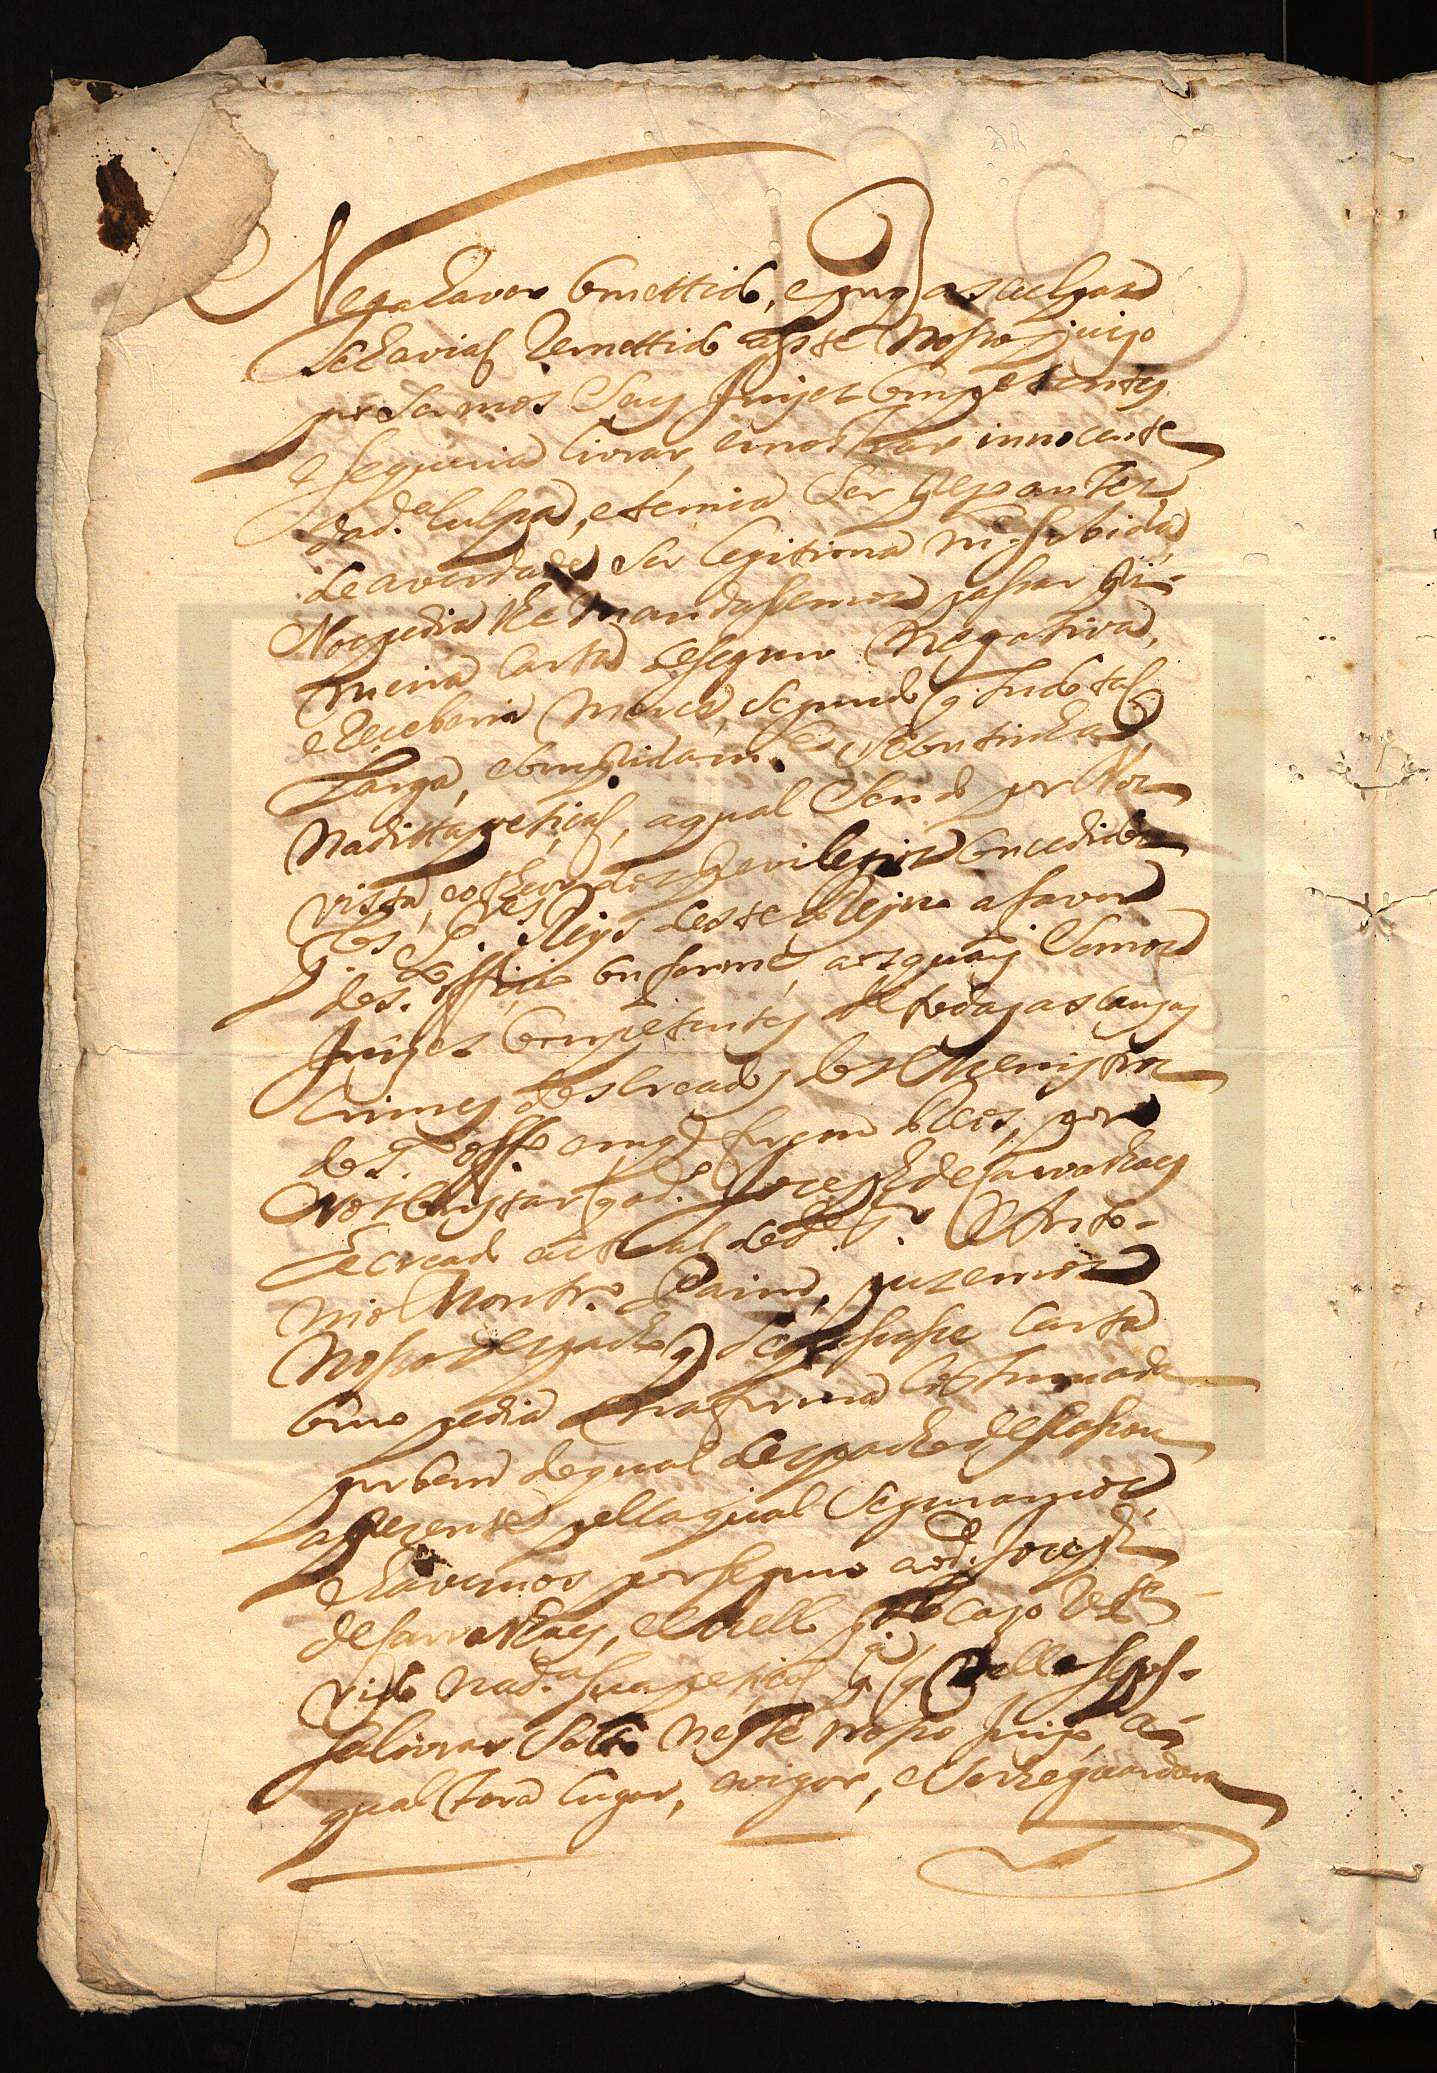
Nega haver Comettido, e porq̄ as culpas
se haviaõ Remettido a este nosso juizo
por sermos Seus Juises Competentes
e se queria livrar, e mostrar innocente
da d.a culpa, e temia Ser prezo antes
de a verdade ser legitimam.te sabida
Nos pedia lhe mandassemos passar pri
meira carta de seguro negativa,
e Receberia Merce, segundo q̄ tudo taõ
Larga, e compridam.te se continha
na ditta petiçaõ, a qual Sendo por Nos
vista, e o theor dos previlegios concedidos
p.los S.res Reys deste Reyno a favor
do s.to officio conforme, aos quais Somos
Juizes Competentes de todas as causas
Crimes dos creados dos Menistros
do s.to off.o em q̄ forem Reos, por
Nos constar q̄ o d.o Jozeph de Carvalhaes
he creado actual do d.o so.r Anto
nio Montr.o Paim, puzemos
nosso despacho q̄ se passasse carta
como pedia na forma Costumada
por bem de qual despacho desossou
a prezente pella qual seguramos
e havemos por seguro ao d.o Jozeph
de Carvalhaes, e Mello p.Lo cazo Refe
rido na d.a sua petiçaõ p.a q̄ della se pos
sa livrar Solto neste nosso Juizo a
qual tera lugar, e vigor, e se lhe guardara
